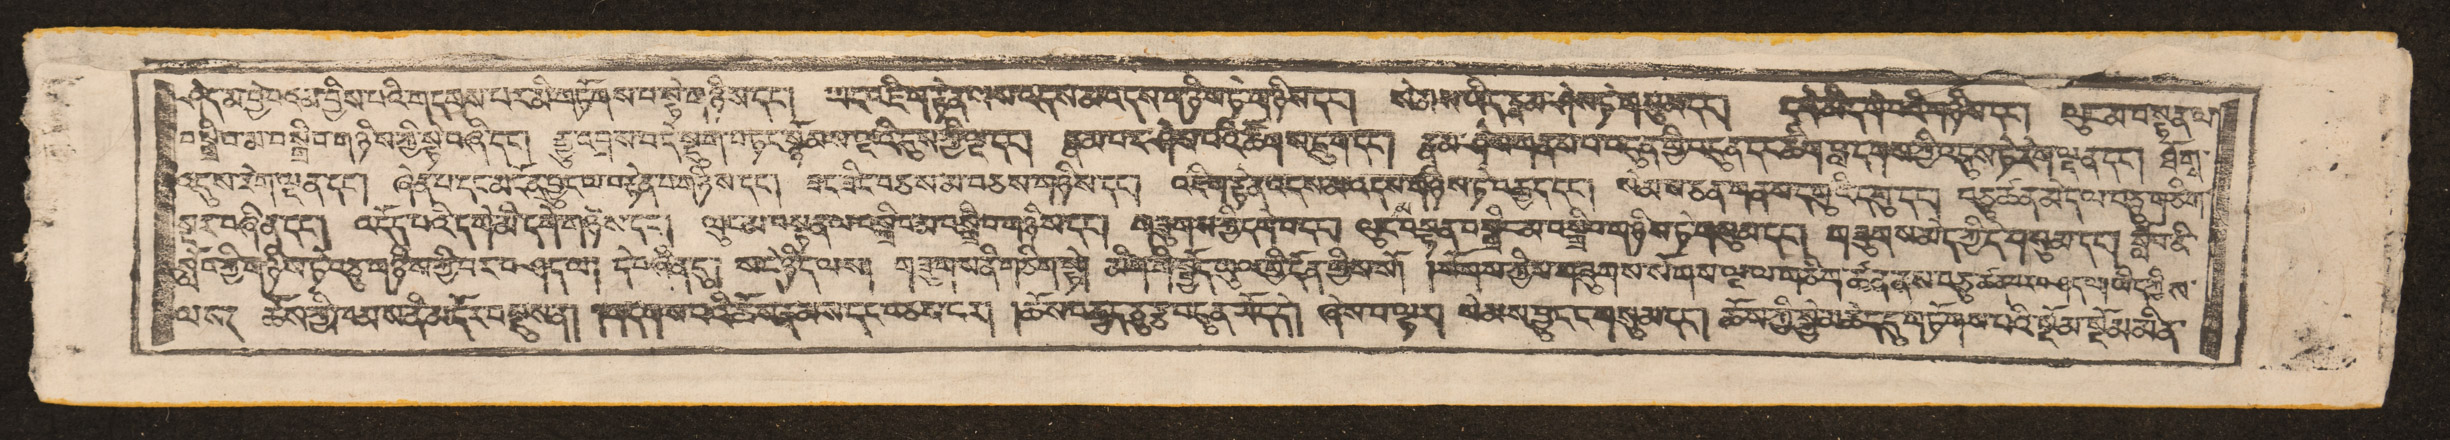ཤེད་མ་བྱེ་བའམ་བྱིས་པའི་གདགས་པར་མི་གཏོགས་པ་སྟེ་གཉིས་དང་། ཡང་འཇིག་རྟེན་ལས་འདས་མ་འདས་གཉིས་ཏེ་གཉིས་དང་། སེམས་ཡིད་རྣམ་ཤེས་ཏེ་གསུམ་དང་། དགེ་མི་དགེ་བའི་གཉིས་དང་། ལུང་མ་བསྟན་ལ་
བསྒྲིབ་མ་བསྒྲིབ་གཉིས་ཀྱི་སྟེ་བཞི་དང་། རྒྱུ་འབྲས་བདེ་སྡུག་བཏང་སྙོམས་ལྔའི་དུས་ཀྱི་ལྔ་དང་། རྣམ་པར་ཤེས་པའི་ཚོགས་དྲུག་དང་། རྣམ་ཤེས་གནས་པ་བདུན་གྱི་བདུན་དང་ཚིག་བླ་དགས་ཀྱི་འདུས་ཏེ་རེག་ལྡན་དང་། ཐོགས་
འདུས་རེག་ལྡན་དང་། ཞེན་པ་དང་མངོན་བྱུང་ལ་བརྟེན་པ་གཉིས་དང་། ཟང་ཟིང་བཅས་མ་བཅས་གཉིས་དང་། འཇིག་རྟེན་འདས་མ་འདས་གཉིས་ཏེ་བརྒྱད་དང་། སེམས་ཅན་གནས་དགུའི་དགུ་དང་། བཅུ་ཚན་མེད་ལ་བཅུ་གཅིག་
སྔར་བཞིན་དང་། འདོད་པའི་དགེ་མི་དགེ་གཉིས་དང་། ལུང་མ་བསྟན་ལ་བསྒྲིབ་མ་བསྒྲིབ་གཉིས་དང་། གཟུགས་གྱི་དགེ་བ་དང་། ལུང་བསྟན་བསྒྲིབ་མ་བསྒྲིབ་གཉིས་ཏེ་གསུམ་དང་། གཟུགས་མེད་ཀྱི་དེ་གསུམ་དང་། སློབ་མི་
སློབ་ཀྱི་གཉིས་ཏེ་བཅུ་གཉིས་ཀྱི་བར་བཤད་ལ། དེ་བཞིན་དུ། ས་དེ་ཉིད་ལས། གཟུགས་ནི་གཅིག་སྟེ། མིག་གི་སྤྱོད་ཡུལ་གྱི་དོན་གྱིས་སོ། །སོགས་ཀྱིས་གཟུགས་སོགས་ལྔ་ལ་གཅིག་ཚན་ནས་བཅུ་ཚན་པར་བཤད་ལ། ཡིད་ཀྱིས་
ལས༑ ཆོས་ཀྱི་ཁམས་ནི་མདོར་བསྡུས་ན། །གདགས་པའི་ཆོས་ནམས་དང་བཅས་པར། །ཆོས་བརྒྱད་ཅུ་རྩ་བདུན་ཡོད་དེ། ཞེས་པ་ལྟར། སེམས་བྱུང་ང་གསུམ་དང་། ཆོས་ཀྱི་སྐྱེ་མཆེད་དུ་གཏོགས་པའི་སྡོམ་སྡོམ་མིན་